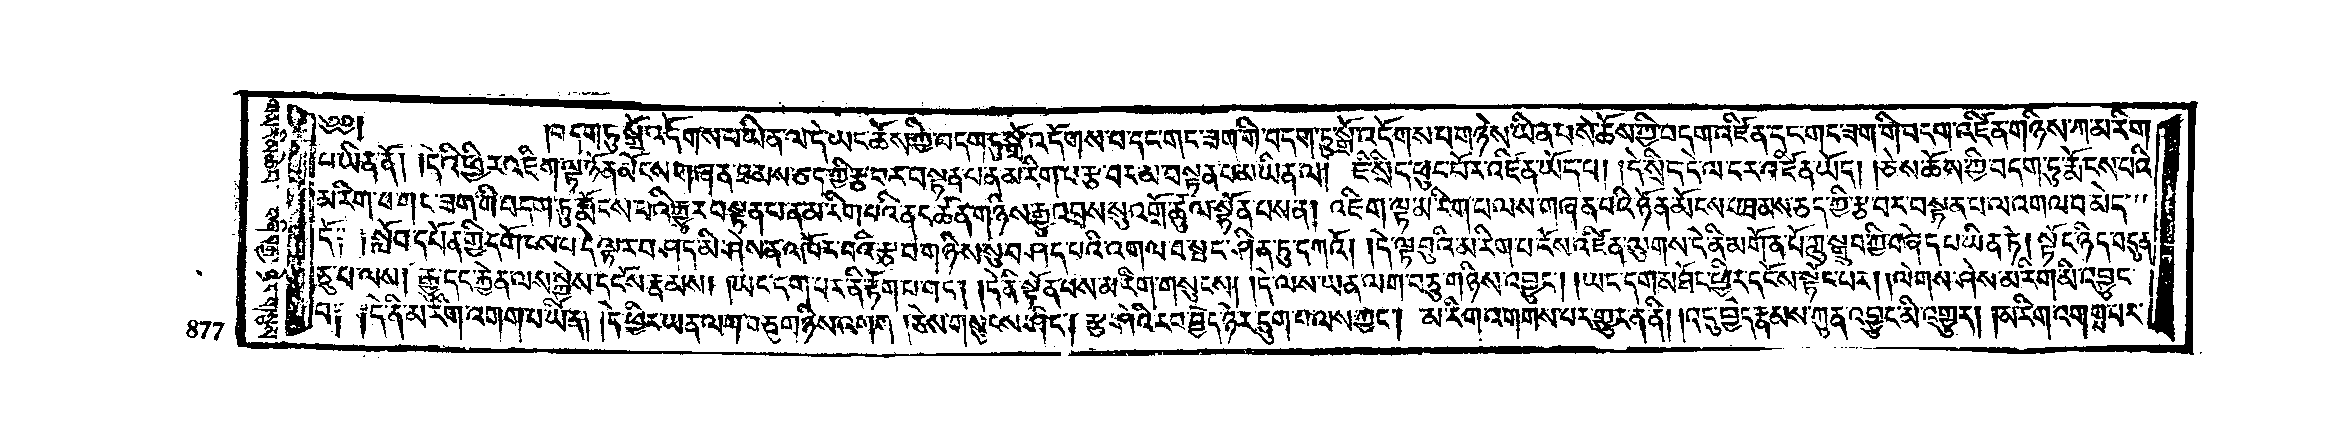༄༅། །བདག་ཏུ་སྒྲོ་འདོགས་པ་ཡིན་ལ་དེ་ཡང་ཆོས་ཀྱི་བདག་ཏུ་སྒྲོ་འདོགས་པ་དང་གང་ཟག་གི་བདག་ཏུ་སྒྲོ་འདོགས་པ་གཉིས་ཡིན་པས་ཆོས་ཀྱི་བདག་འཛིན་དང་གང་ཟག་གི་བདག་འཛིན་གཉིས་ཀ་མ་རིག་
པ་ཡིན་ནོ། །དེའི་ཕྱིར་འཇིག་ལྟ་ཉོན་མོངས་གཞན་ཐམས་ཅད་ཀྱི་རྩ་བར་བསྟན་པ་ན་མ་རིག་པ་རྩ་བར་མ་བསྟན་པ་མ་ཡིན་ལ། ཇི་སྲིད་ཕུང་པོར་འཛིན་ཡོད་པ། །དེ་སྲིད་དེ་ལ་ངར་འཛིན་ཡོད། །ཅེས་ཆོས་ཀྱི་བདག་ཏུ་རྨོངས་པའི་
མ་རིག་པ་གང་ཟག་གི་བདག་ཏུ་རྨོངས་པའི་རྒྱུར་བསྟན་པ་ན་མ་རིག་པའི་ནང་ཚན་གཉིས་རྒྱུ་འབྲས་སུ་འགྲོ་ཚུལ་སྟོན་པས་ན། འཇིག་ལྟ་མ་རིག་པ་ལས་གཞན་པའི་ཉོན་མོངས་པ་ཐམས་ཅད་ཀྱི་རྩ་བར་བསྟན་པ་ལ་འགལ་བ་མེད་
དོ༑ ༑སློབ་དཔོན་གྱི་དགོངས་པ་དེ་ལྟར་བཤད་མི་ཤེས་ན་འཁོར་བའི་རྩ་བ་གཉིས་སུ་བཤད་པའི་འགལ་བ་སྤང་ཤིན་ཏུ་དཀའོ། །དེ་ལྟ་བུའི་མ་རིག་པ་ངོས་འཛིན་ལུགས་དེ་ནི་མགོན་པོ་ཀླུ་སྒྲུབ་ཀྱི་བཞེ་དཔ་ཡིན་ཏེ། སྟོང་ཉིད་བདུན་
ཅུ་པ་ལས། རྒྱུ་དང་རྐྱེན་ལས་སྐྱེས་དངོས་རྣམས། །ཡང་དག་པར་ནི་རྟོག་པ་གང་། །དེ་ནི་སྟོན་པས་མ་རིག་གསུངས། །དེ་ལས་ཡན་ལག་བཅུ་གཉིས་འབྱུང་། །ཡང་དག་མཐོང་ཕྱིར་དངོས་སྟོང་པར། །ལེགས་ཤེས་མ་རིག་མི་འབྱུང་
བ༑ ༑དེ་ནི་མ་རིག་འགག་པ་ཡིན། །དེ་ཕྱིར་ཡན་ལག་བཅུ་གཉིས་འགག །ཅེས་གསུངས་ཤིང་། རྩ་ཤེའི་རབ་བྱེད་ཉེར་དྲུག་པ་ལས་ཀྱང་། མ་རིག་འགགས་པར་གྱུར་ན་ནི། །འདུ་བྱེད་རྣམས་ཀུན་འབྱུང་མི་འགྱུར། །མ་རིག་འགགས་པར་